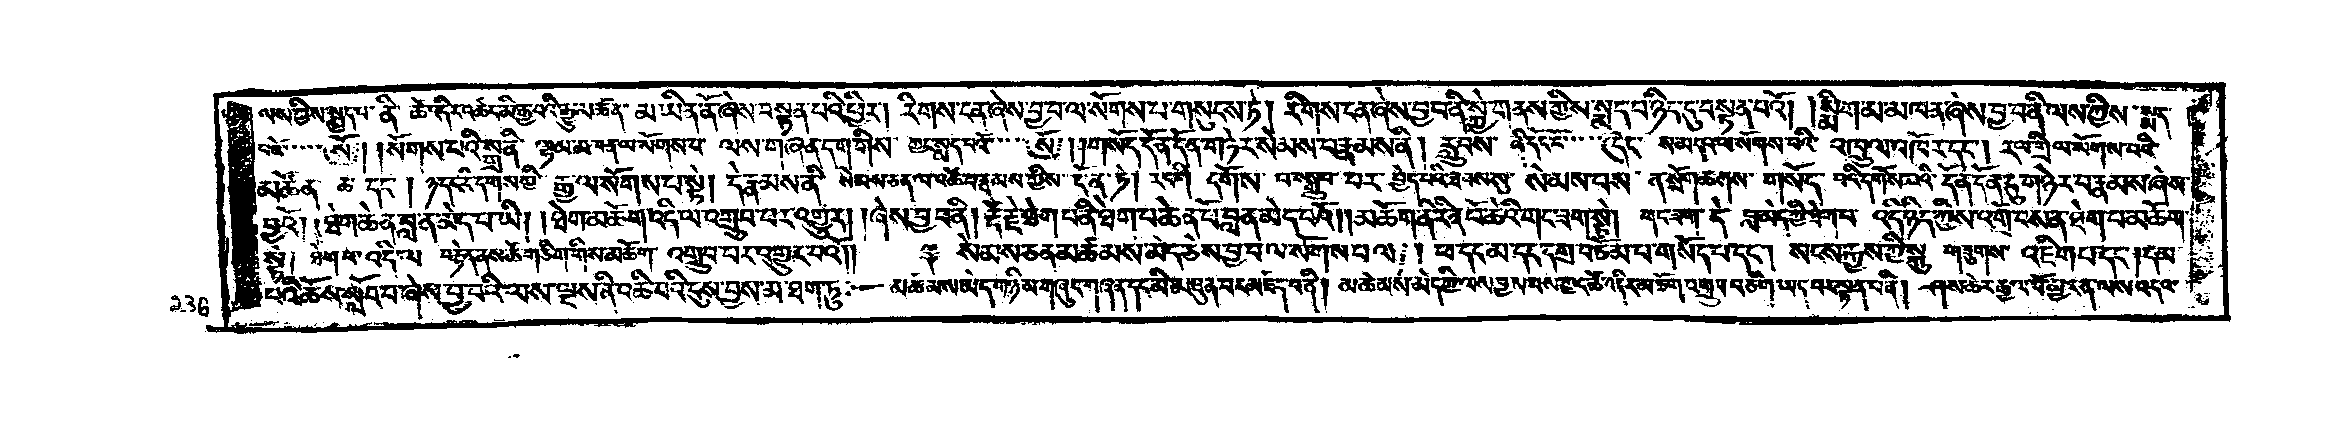ལས་ཀྱིས་སྨད་པ་ནི་ཚེ་འདིར་འཚང་མི་རྒྱ་བའི་རྒྱུ་མཚན་མ་ཡིན་ནོ་ཞེས་བསྟན་པའི་ཕྱིར། རིགས་ངན་ཞེས་བྱ་བ་ལ་སོགས་པ་གསུངས་ཏེ། རིགས་ངན་ཞེས་བྱ་བ་ནི་སྐྱེ་གནས་ཀྱིས་སྨད་པ་ཉིད་དུ་བསྟན་པའོ། །སྨིག་མ་མཁན་ཞེས་བྱ་བ་ནི་ལས་ཀྱིས་སྨད་
པའོ་སོ། །སོགས་པའི་སྒྲ་ནི་ལྷམ་མཁན་ལ་སོགས་པ་ལས་གཞན་དག་གིས་ཀྱང་སྨད་པའོ་སོ། །གསོད་དོན་དོན་གཉེར་སེམས་པ་རྣམས་ནི། རླུ་བས་ནི་དོང་ངོ་དང་ས་མདའ་ལ་སོགས་པའི་འཁྲུལ་འཁོར་དང་། རལ་གྲི་ལ་སོགས་པའི་
མཚོན་ཆ་དང་། ཉ་དང་རི་དགས་ཀྱི་རྒྱལ་སོགས་པ་སྟེ། དེ་རྣམས་ནི་སེམས་ཅན་ལ་འཚོ་བ་རྣམས་ཀྱིས་དོན་ཏེ། རང་གི་དགོས་པ་བསྒྲུབ་པར་བྱེད་པའི་ཐབས་སུ་སེམས་པས་ན་སྲོག་ཆགས་གསོད་པའི་དགོས་པའི་དོན་དོན་དུ་གཉེར་བ་རྣམས་ཞེས་
བྱའོ། །ཐེག་ཆེན་བླ་ན་མེད་པ་ཡི། །ཐེག་མཆོག་འདི་ལ་འགྲུབ་པར་འགྱུར། །ཞེས་བྱ་བ་ནི། རྡོ་རྗེ་ཐེག་པ་ནི་ཐེག་པ་ཆེན་པོ་བླ་ན་མེད་པའོ། །མཆོག་ནི་རིན་པོ་ཆེའི་གང་ཟག་སྟེ། གང་ཟག་དེ་བླ་མེད་ཀྱི་ཐེག་པ་འདི་ཉིད་ཀྱིས་འགྲོ་བས་ན་ཐེག་པ་མཆོག་
སྟེ། ཐེག་པ་འདི་ལ་བརྟེན་ནས་ཚེ་གཅིག་གིས་མཆོག་འགྲུབ་པར་འགྱུར་བའོ།། ༈ སེམས་ཅན་མཚམས་མེད་ཅེས་བྱ་བ་ལ་སོགས་པ་ལ། ཕ་དང་མ་དང་དགྲ་བཅོམ་པ་གསོད་པ་དང་། སངས་རྒྱས་ཀྱི་སྐུ་གཟུགས་འཇིག་པ་དང་། དམ་
པའི་ཆོས་སྤོང་བ་ཞེས་བྱ་བའི་ལས་ལྔས་ནི་འཆི་བའི་དུས་བྱས་མ་ཐག་ཏུཿ་མཚམས་མེད་གཉིས་གཞུང་གཞན་དང་མི་མཐུན་པར་མཛད་པ་ནི། མཚམས་མེད་ཀྱི་ལས་བྱས་པས་ཀྱང་ཚེ་འདིར་མཆོག་འགྲུབ་པ་ཅིག་ཡོད་པར་སྟན་པ་ནི། ཤས་ཆེར་རྒྱལ་བ་མྱ་ངན་ལས་འདའ་